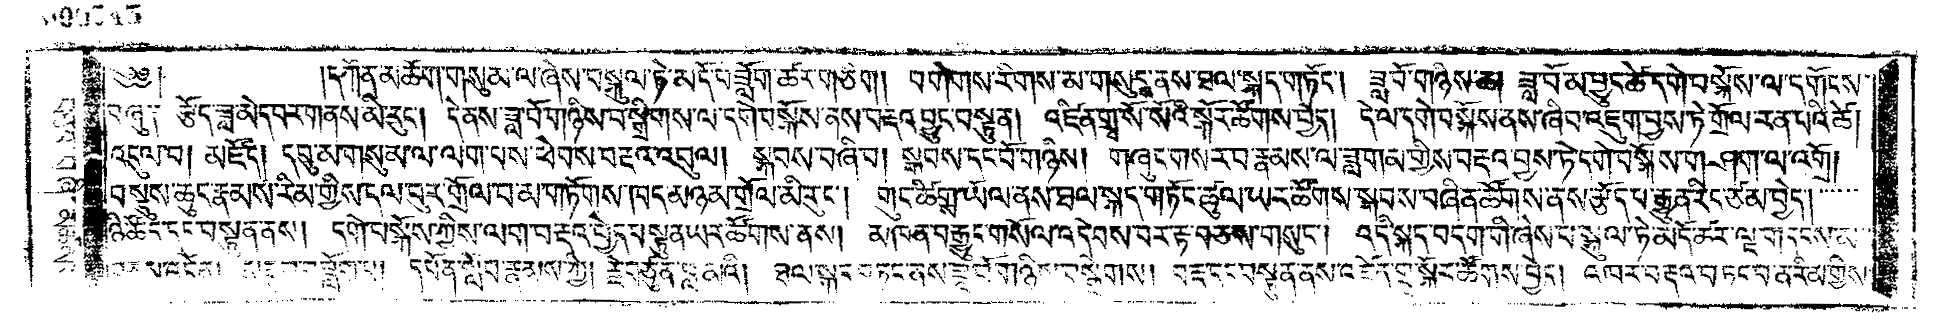༄༅། །དཀོན་མཆོག་གསུམ་ལ་ཞེས་བསྐུལ་ཏེ་མདོ་བཟློག་ཚར་གཅིག །བགེགས་རིགས་མ་གསུངས་ནས་ཐལ་སྐད་གཏོང་། ཟླ་བོ་གཉིས་ཆ། ཟླ་བོ་མ་བྱུང་ཚེ་དགེ་བསྐོས་ལ་དགོངས་
བཞུ༑ རྩོད་ཟླ་མེད་བར་གནས་མི་རུང་། དེ་ནས་ཟླ་བོ་གཉིས་བསྒྲིགས་ལ་དགེ་བསྐོས་ནས་བརྡའ་བྱུང་བསྟུན། འཛིན་གྲྭ་སོ་སོའི་སྐོར་ཚོགས་བྱེད། དེ་ལ་དགེ་བསྐོས་ནས་ཞིབ་འཇུག་བྱས་ཏེ་གྲོལ་རན་པའི་ཚེ།
འདུལ་བ། མཛོད། དབུ་མ་གསུམ་ལ་ལག་པས་ཕེབས་བརྡའ་འབུལ། སྐབས་བཞི་བ། སྐབས་དང་པོ་གཉིས། གཞུང་གསར་བ་རྣམས་ལ་ཟླ་གམ་གྱིས་བརྡའ་བྱས་ཏེ་དགེ་བསྐོས་གཤག་ལ་འགྲོ།
བསྡུས་ཆུང་རྣམས་རིམ་གྱིས་དལ་བུར་གྲོལ་བ་མ་གཏོགས་ཁད་མཉམ་གྲོལ་མི་རུང་། གུང་ཚིགས་ཡོལ་ནས་ཐལ་སྐད་གཏོང་ཚུལ་ཡར་ཚོགས་སྐབས་བཞིན་ཚོགས་ནས་རྩོད་པ་རྒྱུན་རིང་ཙམ་བྱེད།
ཉི་ཚོད་དང་བསྟུན་ནས། དགེ་བསྐོས་ཀྱིས་ལག་བརྡའ་བྱེད་བསྟུན་ཡར་ཚོགས་ནས། མཁན་བརྒྱུད་གསོལ་འདེབས་པར་རྟ་བཅས་གསུང་། འདི་སྐད་བདག་གི་ཞེས་བསྐུལ་ཏེ་མདོ་ཚར་ལྔ་གདངས་མ་
བཅས་འདོན། མཇུག་བཟློག་པ། དཔོན་སློབ་རྣམས་ཀྱི། རྗེ་བཙུན་བླ་མའི། ཐལ་སྐད་བཏང་ནས་ཟླ་བོ་གཉིས་བསྒྲིགས། བརྡ་དང་བསྟུན་ནས་འཛིན་གྲྭ་སྐོར་ཚོགས་བྱེད། འཁར་བརྡའ་བཏང་བ་ན་རིམ་གྱིས་